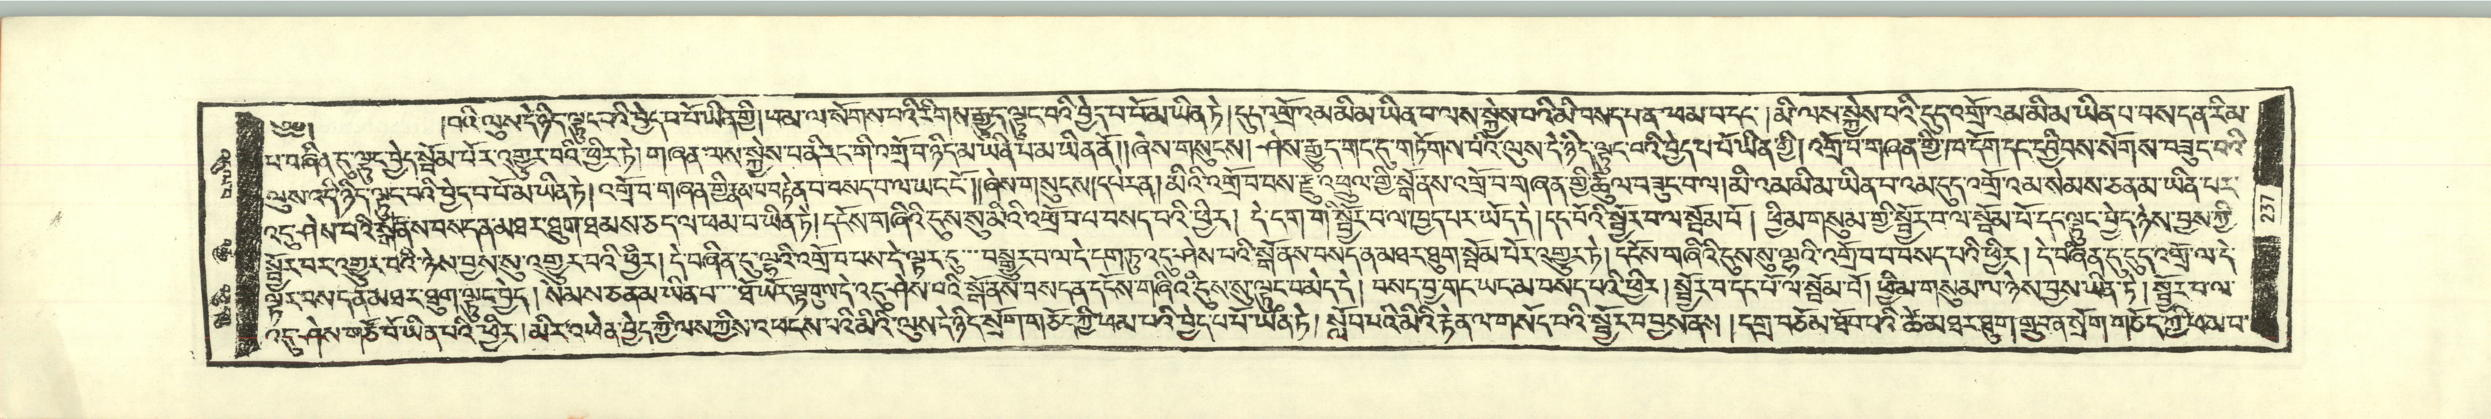༄༅། །བའི་ལུས་དེ་ཉིད་ལྟུང་བའི་བྱེད་པ་པོ་ཡིན་གྱི། ཕ་མ་ལ་སོགས་པའི་རིགས་རྒྱུད་ལྟུང་བའི་བྱེད་པ་པོ་མ་ཡིན་ཏེ། དུད་འགྲོ་འམ་མི་མ་ཡིན་པ་ལས་སྐྱེས་པའི་མི་བསད་པ་ན་ཕམ་པ་དང་། མི་ལས་སྐྱེས་པའི་དུད་འགྲོ་འམ་མི་མ་ཡིན་པ་བསད་ན་རིམ་
པ་བཞིན་དུ་ལྟུང་བྱེད་སྦོམ་པོར་འགྱུར་བའི་ཕྱིར་ཏེ། གཞན་ལས་སྐྱེས་པ་ནི་རང་གི་འགྲོ་བ་ཉིད་མ་ཡིན་པ་མ་ཡིན་ནོ། །ཞེས་གསུངས། ཤེས་རྒྱུད་གང་དུ་གཏོགས་པའི་ལུས་དེ་ཉིད་ལྟུང་བའི་བྱེད་པ་པོ་ཡིན་གྱི། འགྲོ་བ་གཞན་གྱི་ཁ་དོག་དང་དབྱིབས་སོགས་བཟུང་བའི་
ལུས་འདི་ཉིད་ལྟུང་བའི་བྱེད་པ་པོ་མ་ཡིན་ཏེ། འགྲོ་བ་གཞན་གྱི་རྣམ་པ་བརྟེན་པ་བསད་པ་ལ་ཡང་ངོ། །ཞེས་གསུངས། དཔེར་ན། མིའི་འགྲོ་བ་བས་རྫུ་འཕྲུལ་གྱི་སྒོ་ནས་འགྲོ་བ་གཞན་གྱི་ཚུལ་བཟུང་བ་ལ། མི་འམ་མི་མ་ཡིན་པ་འམ་དུད་འགྲོ་འམ་སེམས་ཅན་མ་ཡིན་པར་
འདུ་ཤེས་པའི་སྒོ་ནས་བསད་ན་མཐར་ཐུག་ཐམས་ཅད་ལ་ཕམ་པ་ཡིན་ཏེ། དངོས་གཞིའི་དུས་སུ་མིའི་འགྲོ་བ་པ་བསད་པའི་ཕྱིར། དེ་དག་གི་སྦྱོར་བ་ལ་ཁྱད་པར་ཡོད་དེ། དང་པོའི་སྦྱོར་བ་ལ་སྦོམ་པོ། ཕྱི་མ་གསུམ་གྱི་སྦྱོར་བ་ལ་སྦོམ་པོ་དང་ལྟུང་བྱེད་ཉེས་བྱས་ཀྱི་
སྦྱོར་བར་འགྱུར་བའི་ཉེས་བྱས་སུ་འགྱུར་བའི་ཕྱིར། དེ་བཞིན་དུ་ལྷའི་འགྲོ་བ་པས་དེ་ལྟར་དུ་བསྒྱུར་བ་ལ་དེ་དག་ཏུ་འདུ་ཤེས་པའི་སྒོ་ནས་བསད་ན་མཐར་ཐུག་སྦོམ་པོར་འགྱུར་ཏེ། དངོས་གཞིའི་དུས་སུ་ལྷའི་འགྲོ་བ་པ་བསད་པའི་ཕྱིར། དེ་བཞིན་དུ་དུད་འགྲོ་ལ་དེ་
ལྟར་བསད་ན་མཐར་ཐུག་ལྟུང་བྱེད། སེམས་ཅན་མ་ཡིན་པ་ཐོ་ཡོར་ལྟ་བུ་ལ་དེ་འདུ་ཤེས་པའི་སྒོ་ནས་བསད་ན་དངོས་གཞིའི་དུས་སུ་ལྟུང་བ་མེད་དེ། བསད་བྱ་གང་ཡང་མ་བསད་པའི་ཕྱིར། སྦྱོར་བ་དང་པོ་ལ་སྦོམ་པོ། ཕྱི་མ་གསུམ་ལ་ཉེས་བྱས་ཡིན་ཏེ། སྦྱོར་བ་ལ་
འདུ་ཤེས་གཙོ་བོ་ཡིན་པའི་ཕྱིར། མིར་འཕེན་བྱེད་ཀྱི་ལས་ཀྱིས་འཕངས་པའི་མིའི་ལུས་དེ་ཉིད་སྲོག་གཅོད་ཀྱི་ཕམ་པའི་བྱེད་པ་པོ་ཡིན་ཏེ། སློབ་པའི་མིའི་རྟེན་ལ་གསོད་པའི་སྦྱོར་བ་བྱས་ནས། དགྲ་བཅོམ་ཐོབ་པའི་ཚེ་མཐར་ཐུག་གྲུབ་ན་སྲོག་གཅོད་ཀྱི་ཕམ་པ་